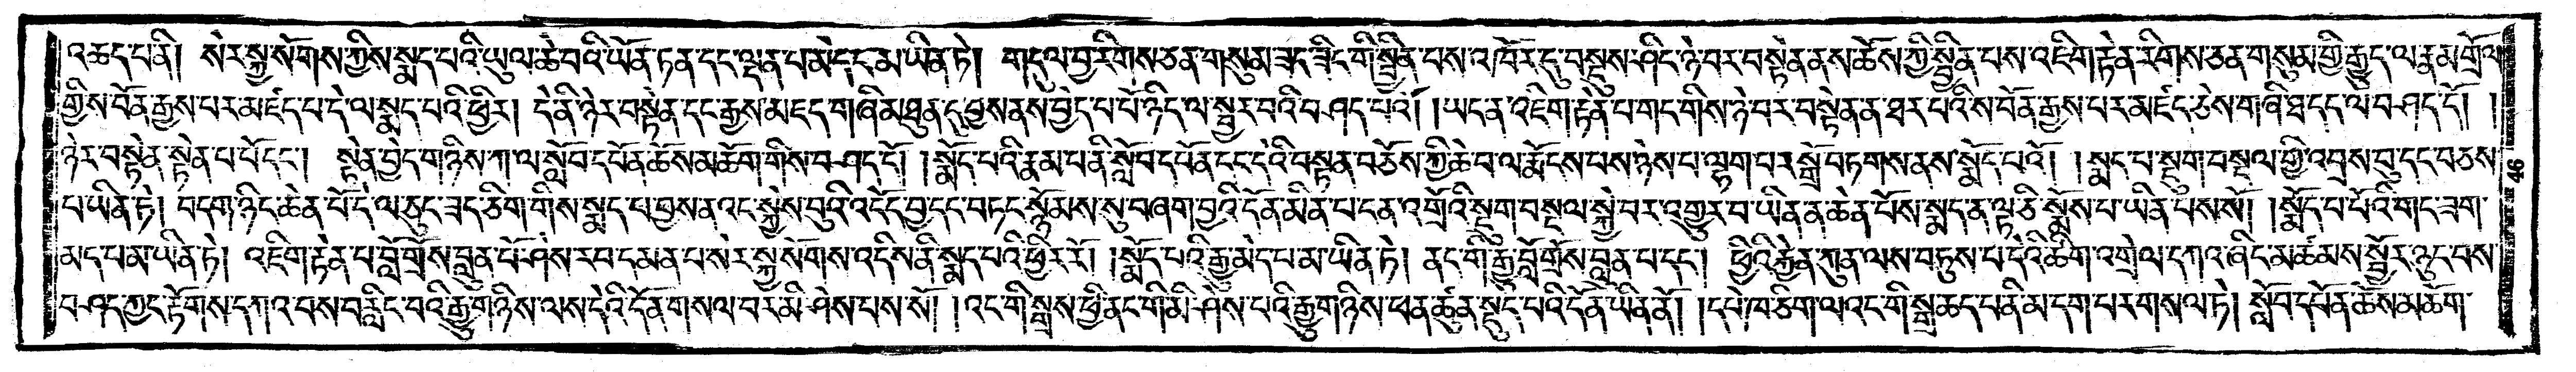འཆད་པ་ནི། སེར་སྐྱ་སོགས་ཀྱིས་སྨད་པའི་ཡུལ་ཆེ་བའི་ཡོན་ཏན་དང་ལྡན་པ་མེ་དང་མ་ཡིན་ཏེ། གདུལ་བྱ་རིགས་ཅན་གསུམ་ཟང་ཟིང་གི་སྦྱིན་པས་འཁོར་དུ་བསྡུས་ཤིང་ཉེ་བར་བསྟེན་ནས་ཆོས་ཀྱི་སྦྱིན་པས་འཇིག་རྟེན་རིགས་ཅན་གསུམ་གྱི་རྒྱུད་ལ་རྣམ་གྲོལ་
གྱི་ས་བོན་རྒྱས་པར་མཛད་པ་དེ་ལ་སྨད་པའི་ཕྱིར། དེ་ནི་ཉེར་བསྟེན་དང་རྒྱས་མཛད་གཞི་མཐུན་དུ་བྱས་ནས་བྱེད་པ་པོ་ཉིད་ལ་སྦྱར་བའི་བཤད་པའོ། །ཡང་ན་འཇིག་རྟེན་པ་གང་གིས་ཉེ་བར་བསྟེན་ན་ཐར་པའི་ས་བོན་རྒྱས་པར་མཛད་ཅེས་གཞི་ཐ་དད་ལ་བཤད་དོ། །
ཉེར་བསྟེན་སྟེན་པ་པོ་དང་། སྟེན་བྱེད་གཉིས་ཀ་ལ་སློབ་དཔོན་ཆོས་མཆོག་གིས་བཤད་དོ། །སྨོད་པའི་རྣམ་པ་ནི་སློབ་དཔོན་དང་དེའི་བསྟན་བཅོས་ཀྱི་ཆེ་བ་ལ་རྨོངས་པས་ཉེས་པ་ལྷག་པར་སྒྲོ་བཏགས་ནས་སྨོད་པའོ། །སྨད་པ་སྡུག་བསྔལ་གྱི་འབྲས་བུ་དང་བཅས་
པ་ཡིན་ཏེ། བདག་ཉིད་ཆེན་པོ་དེ་ལ་ཅུང་ཟད་ཅིག་གིས་སྨད་པ་བྱས་ནའང་སྐྱེས་བུའི་འདོད་བྱ་དང་བཏང་སྙོམས་སུ་བཞག་བྱའི་དོན་མིན་པ་ངན་འགྲོའི་སྡུག་བསྔལ་སྐྱེ་བར་འགྱུར་བ་ཡིན་ན་ཆེན་པོས་སྨད་ན་ལྟ་ཅི་སྨོས་པ་ཡིན་པས་སོ། །སྨོད་པ་པོའི་གང་ཟག་
མེད་པ་མ་ཡིན་ཏེ། འཇིག་རྟེན་པ་བློ་གྲོས་བླུན་པོ་ཤེས་རབ་དམན་པ་སེར་སྐྱ་སོགས་འདིས་ནི་སྨད་པའི་ཕྱིར་རོ། །སྨོད་པའི་རྒྱུ་མེད་པ་མ་ཡིན་ཏེ། ནང་གི་རྒྱུ་བློ་གྲོས་བླུན་པ་དང་། ཕྱིའི་རྐྱེན་ཀུན་ལས་བཏུས་པ་དེའི་ཚིག་འགྲེལ་དཀའ་ཞིང་མཚམས་སྦྱོར་ཉུང་བས་
བཤད་ཀྱང་རྟོགས་དཀའ་བས་བརླིང་བའི་རྒྱུ་གཉིས་ལས་དེའི་དོན་གསལ་བར་མི་ཤེས་པས་སོ། །འང་གི་སྒྲས་ཕྱི་ནང་གི་མི་ཤེས་པའི་རྒྱུ་གཉིས་ཕན་ཚུན་སྡུད་པའི་དོན་ཡིན་ནོ། །དཔེ་ཁ་ཅིག་ལའང་གི་སྒྲ་ཆད་པ་ནི་མ་དག་པར་གསལ་ཏེ། སློབ་དཔོན་ཆོས་མཆོག་